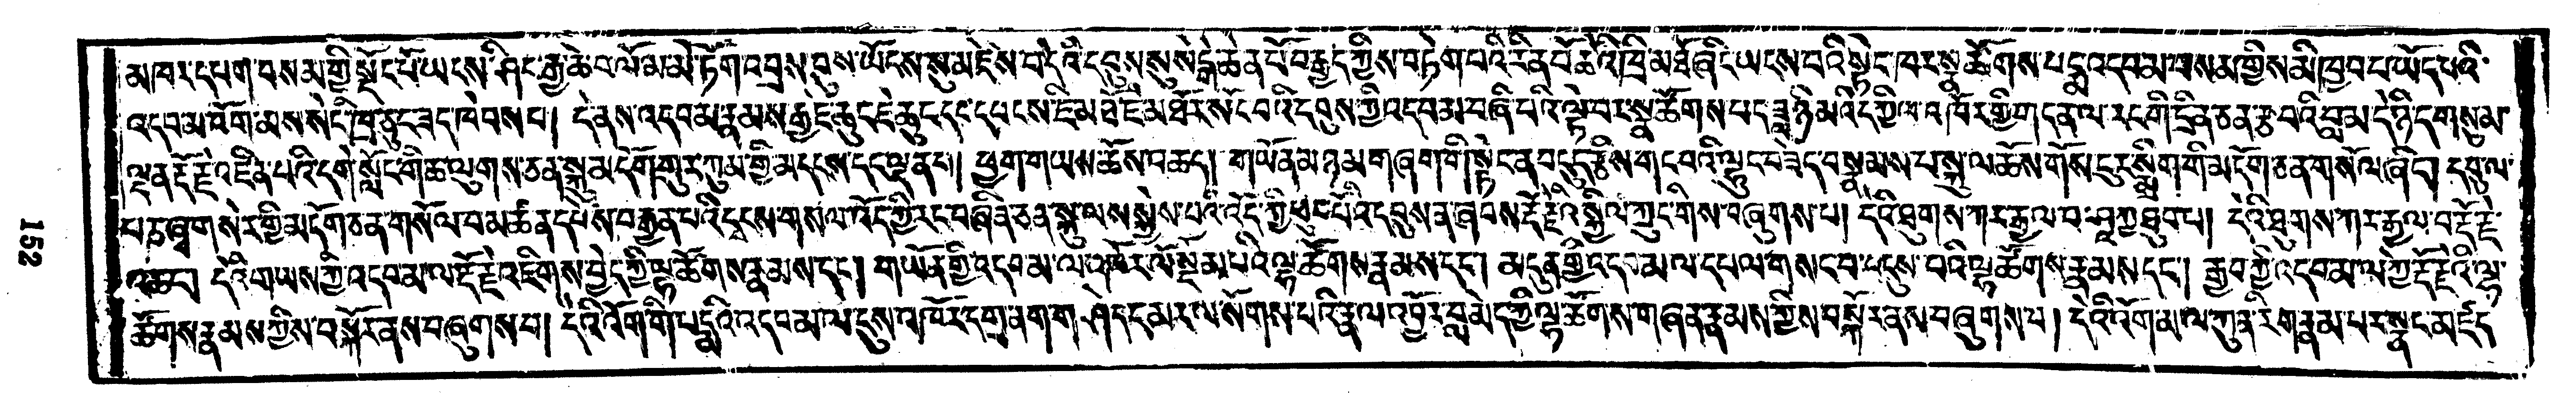མཁར་དཔག་བསམ་གྱི་སྡོང་པོ་ཡང་ཤིང་རྒྱ་ཆེ་བ་ལོ་མ་མེ་ཏོག་འབྲས་བུས་ཡོངས་སུ་མཛེས་པ་དེའི་དབུས་སུ་སེངྒེ་ཆེན་པོ་བརྒྱད་ཀྱིས་བཏེག་པའི་རིན་པོ་ཆེའི་ཁྲི་མཐོ་ཞིང་ཡངས་པའི་སྟེང་ཁར་སྣ་ཚོགས་པདམ་འདབ་མ་བསམ་གྱིས་མི་ཁྱབ་པ་ཡོད་པའི་
འདབ་མ་འོག་མས་སེང་ཁྲི་ཅུང་ཟད་ཁེབས་པ། དེ་ནས་འདབ་མ་རྣམས་རྒྱ་ཇ་ཆུང་ཇེ་ཆུང་དང་དཔངས་ཇི་མཐོ་ཇེ་མཐོར་སོང་བའི་དབུས་ཀྱི་འདབ་མ་བཞི་པའི་ལྟེ་བར་སྣ་ཚོགས་པད་ཟླ་ཉི་མའི་དཀྱིལ་འཁོར་གྱི་གདན་ལ་རང་གི་དྲིན་ཅན་རྩ་བའི་བླ་མ་དེ་ཉིད་གསུམ་
ལྡན་རྡོ་རྗེ་འཛིན་པའི་དགེ་སློང་གི་ཆ་ལུགས་ཅན་སྐུ་མདོག་གུར་ཀུམ་གྱི་མདངས་དང་ལྡན་པ། ཕྱག་གཡས་ཆོས་འཆད། གཡོན་མཉམ་གཞག་གི་སྟེང་ན་བདུད་རྩིས་གང་བའི་ལྷུང་བཟེད་བསྣམས་པ་སྐུ་ལ་ཆོས་གོས་དུར་སྨྲིག་གི་མདོག་ཅན་གསོལ་ཞིང་། དབུ་ལ་
པཎ་ཞྭ་གསེར་གྱི་མདོག་ཅན་གསོལ་བ་མཚན་དཔེས་བརྒྱན་པའི་དྭངས་གསལ་འོད་ཀྱི་རང་བཞིན་ཅན་སྐུ་ལས་སྐྱེས་པའི་འོད་ཀྱི་ཕུང་པོའི་དབུས་ན་ཞབས་རྡོ་རྗེའི་སྐྱིལ་ཀྲུང་གིས་བཞུགས་པ། དེའི་ཐུགས་ཀར་རྒྱལ་བ་ཤཱཀྱ་ཐུབ་པ། དེའི་ཐུགས་ཀར་རྒྱལ་བ་རྡོ་རྗེ་
འཆང་། དེའི་གཡས་ཀྱི་འདབ་མ་ལ་རྡོ་རྗེ་འཇིགས་བྱེད་ཀྱི་ལྷ་ཚོགས་རྣམས་དང་། གཡོན་གྱི་འདབ་མ་ལ་འཁོར་ལོ་སྡོམ་པའི་ལྷ་ཚོགས་རྣམས་དང་། མདུན་གྱི་འདུབ་མ་ལ་དཔལ་གསང་བ་འདུས་པའི་ལྷ་ཚོགས་རྣམས་དང་། རྒྱབ་ཀྱི་འདབ་མ་ལ་ཀྱེ་རྡོ་རྗེའི་ལྷ་
ཚོགས་རྣམས་ཀྱིས་བསྐོར་ནས་བཞུགས་པ། དེའི་འོག་གི་པདམའི་འདབ་མ་ལ་དུས་འཁོར་དགྲ་ནག་གཤེད་དམར་ལ་སོགས་པའི་རྣལ་འབྱོར་བླ་མེད་ཀྱི་ལྷ་ཚོགས་གཞན་རྣམས་ཀྱིས་བསྐོར་ནས་བཞུགས་པ། དེའི་འོག་མ་ལ་ཀུན་རིག་རྣམ་པར་སྣང་མཛད་